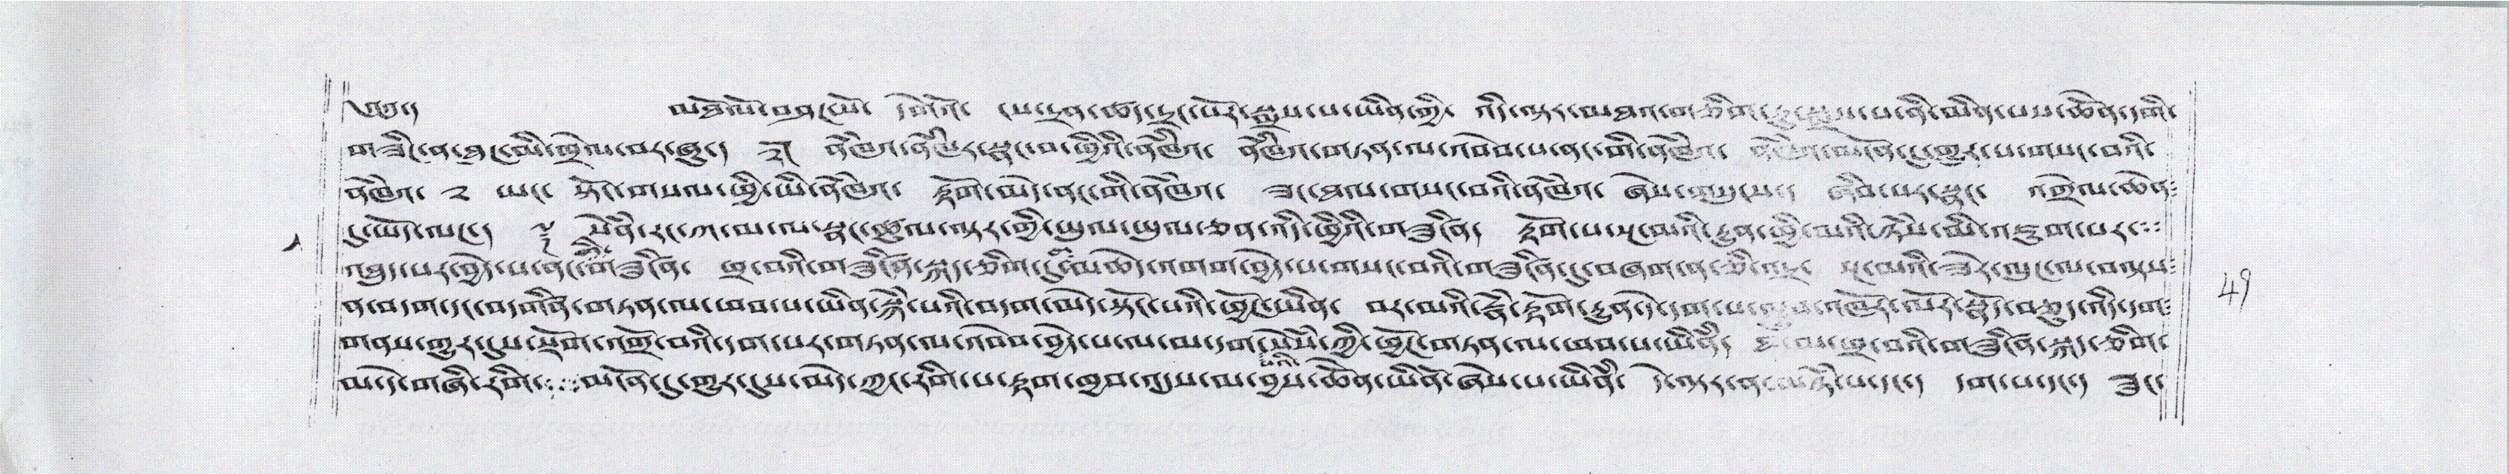མཐོལ་ལོ་བཤགས་སོ། དགེའོ། ངས་དྲན་ཚད་དྲང་པོར་སྨྲས་པ་ཡིན་གྱི། འདི་ལྟར་མཐའ་གཅིག་ཏུ་ནི་སྨྲས་པ་མིན་པས་ཆེན་པོ་དག་གིས་
གཟིགས་ན་ཐུགས་མི་ཁྲེལ་བར་ཞུ། ༧ ནམ་མཁའ་ནམ་མཁར་སྣང་བ་ཕྱིའི་ནམ་མཁའ། ནམ་མཁའ་གཏན་ལ་འབེབས་པ་ནང་གི་ནམ་མཁའ། ནམ་མཁའ་མངོན་དུ་གྱུར་པ་གསང་བའི་
ནམ་མཁའ། ༧ ཡང་སྟོང་གསལ་ཕྱི་ཡི་ནམ་མཁའ། རྟོག་མེད་ནང་གི་ནམ་མཁའ། ཟང་ཐལ་གསང་བའི་ནམ་མཁའ། ཞེས་གསུངས། ཞིབ་པར་སྣང་༼༽འགྲེལ་ཆེན་
དུ་ཡོད་ལགས། ༧ སེམས་ཅན་རང་ཀ་མ་ལ་སྣང་ཚུལ་ལྟར་གྱི་ཡུལ་ཡུལ་ཅན་འདི་ཕྱི་ཡི་གཟུང་འཛིན། རྟོག་པ་སྔ་མའི་རྒྱུན་ཕྱི་མས་ཉམས་མི་འཇུག་པར་
མཐུད་པར་བྱེད་པ་ནང་གི་གཟུང་འཛིན། ཕྲ་བའི་གཟུང་འཛིན་སྐད་ཅིག་དུ་མ་མཆེད་འགག་བྱེད་པ་གསང་བའི་གཟུང་འཛིན་དུ་བཞག་ན་ཅི་འདྲ། སྔ་མའི་ཟེར་ལུགས་ལ་བལྟས་
ན་བདག་དང་བདག་འཛིན་གཏན་ལ་ཕབ་པ་ཡིན་སྙམ་པའི་བདག་མེད་སྟོང་པའི་ཕྱོགས་ཡིན། བར་མའི་རྣམ་རྟོག་རྒྱུན་དེ་དག་པ་ལྷུན་གྲུབ་འཁོར་ལོར་སྣོད་བཅུད་འདི་དག་
གནས་འགྱུར་དུས་ལྡོག་འགྲོ་བའི་དག་པར་གཏན་ལ་འབེབས་བྱེད་པ་ལ་མ་དག་པའི་སེམས་ཀྱི་ཕྱོགས་གཏན་ལ་ཕབ་པ་ཡིན་ནམ། ཐ་མ་ཕྲ་བའི་གཟུང་འཛིན་སྐད་ཅིག་
མ་དེ་གཞི་རིག་མངོན་དུ་གྱུར་དུས་མེད་ཀྱང་རིག་པ་རྟག་ཁྱབ་འདུས་མ་བྱས་ཆེན་པོ་ཡིན་ནོ་ཞེས་པ་ཡིན་ནམ། དེ་ལྟར་ན་མཉམ་པ་དང་དག་པ་དང་། ཟུང་